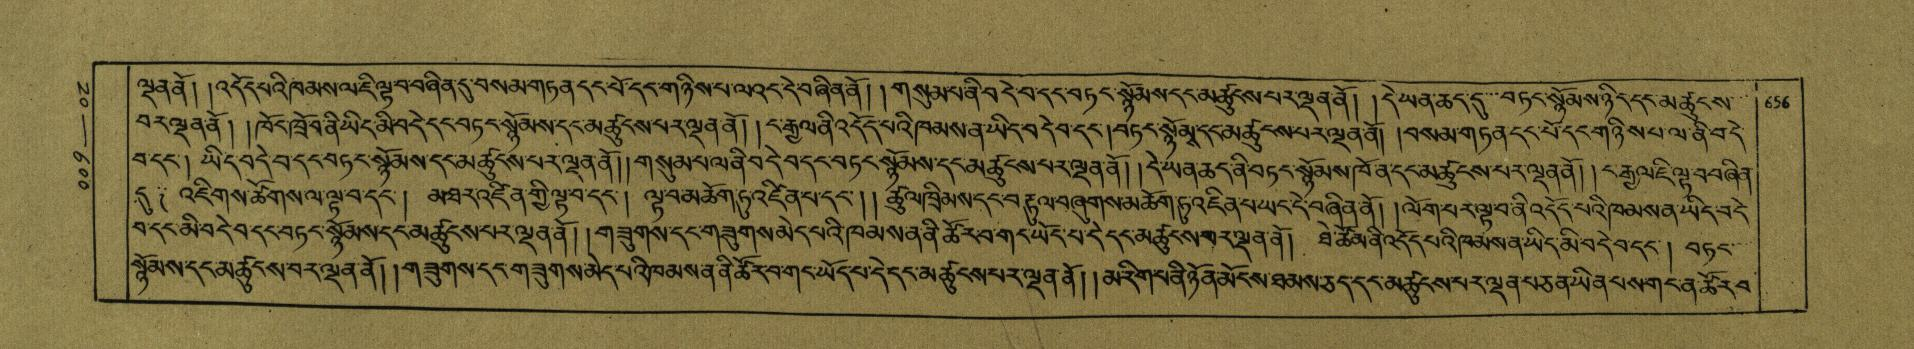ལྡན་ནོ། །འདོད་པའི་ཁམས་ལ་ཇི་ལྟ་བ་བཞིན་དུ་བསམ་གཏན་དང་པོ་དང་གཉིས་པ་ལའང་དེ་བཞིན་ནོ། །གསུམ་པ་ནི་བདེ་བ་དང་བཏང་སྙོམས་དང་མཚུངས་པར་ལྡན་ནོ། །དེ་ཡན་ཆད་དུ་བཏང་སྙོམས་ཉིད་དང་མཚུངས་
བར་ལྡན་ནོ། །ཁོང་ཁྲོ་བ་ནི་ཡིང་མི་བདེ་དང་བཏང་སྙོམས་དང་མཚུངས་པར་ལྡན་ནོ། །ང་རྒྱལ་ནི་འདོད་པའི་ཁམས་ན་ཡིད་བདེ་བ་དང་། བཏང་སྙོམས་དང་མཚུངས་པར་ལྡན་ནོ། །བསམ་གཏན་དང་པོ་དང་གཉིས་པ་ལ་ནི་བ་དེ་
བ་དང་། ཡིད་བདེ་བ་དང་བཏང་སྙོམས་དང་མཚུངས་པར་ལྡན་ནོ། །གསུམ་པ་ལ་ནི་བདེ་བ་དང་བཏང་སྙོམས་དང་མཚུངས་པར་ལྡན་ནོ། །དེ་ཡན་ཆད་ནི་བཏང་སྙོམས་ཁོ་ན་དང་མཚུངས་པར་ལྡན་ནོ། །ང་རྒྱལ་ཇི་ལྟ་བ་བཞིན་
དུ༑ འཇིགས་ཚོགས་ལ་ལྟ་བ་དང་། མཐར་འཛིན་གྱི་ལྟ་བ་དང་། ལྟ་བ་མཆོག་ཏུ་འཛིན་པ་དང་། །ཚུལ་ཁྲིམས་དང་བརྟུལ་བཞུགས་མཆོག་ཏུ་འཇིན་པ་ཡང་དེ་བཞིན་ནོ། །ལོག་པར་ལྟ་བ་ནི་འདོད་པའི་ཁམས་ན་ཡིད་བདེ་
བ་དང་མི་བདེ་བ་དང་བཏང་སྙོམས་དང་མཚུངས་པར་ལྡན་ནོ། །གཟུགས་དང་གཟུགས་མེད་པའི་ཁམས་ན་ནི་ཚོར་བ་གང་ཡོད་པ་དེ་དང་མཚུངས་པར་ལྡན་ནོ། ཐེ་ཚོམ་ནི་འདོད་པའི་ཁམས་ན་ཡིད་མི་བདེ་བ་དང་། བཏང་
སྙོམས་དང་མཚུངས་བར་ལྡན་ནོ། །གཟུགས་དང་གཟུགས་མེད་པའི་ཁམས་ན་ནི་ཚོར་བ་གང་ཡོད་པ་དེ་དང་མཚུངས་པར་ལྡན་ནོ། །མ་རིག་པ་ནི་ཉོན་མོངས་ཐམས་ཅད་དང་མཚུངས་པར་ལྡན་པ་ཅན་ཡིན་པས་གང་ན་ཚོར་བ་